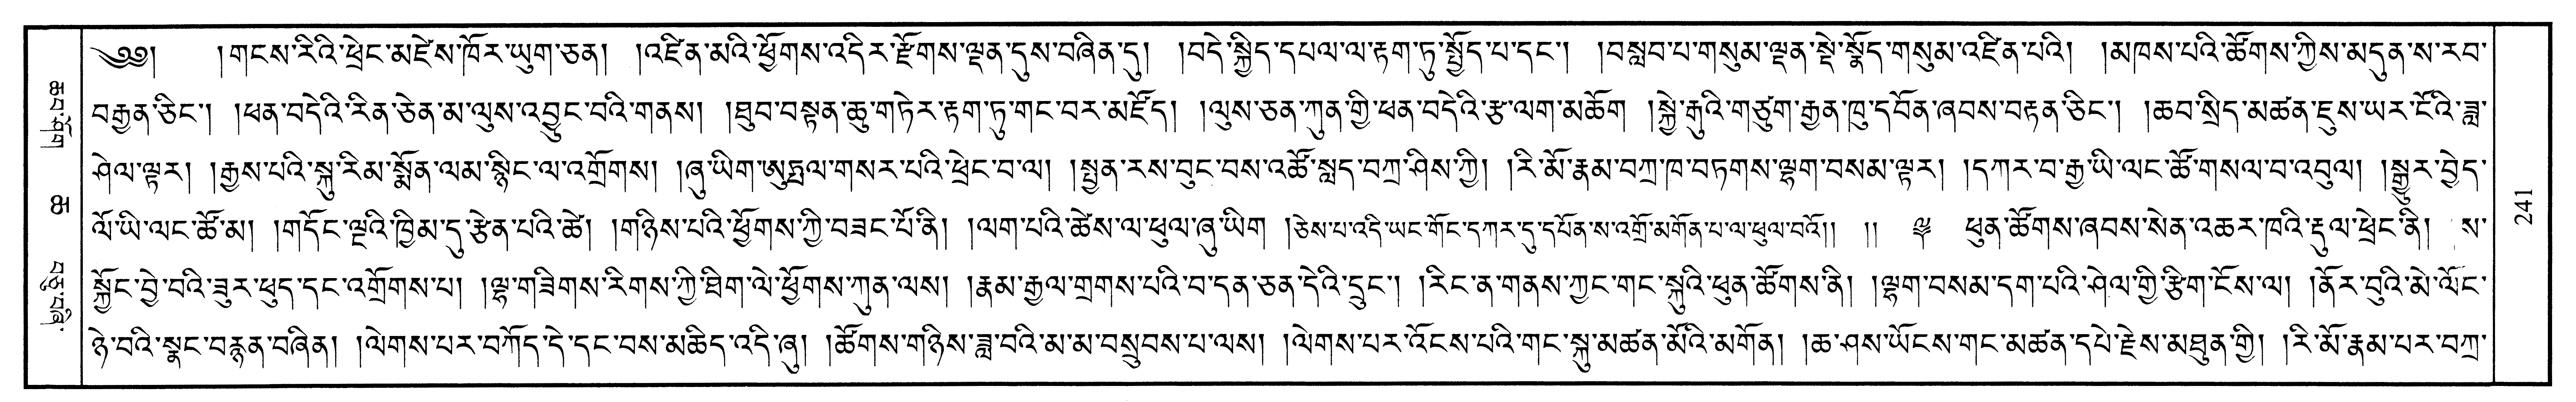༄༅། །གངས་རིའི་ཕྲེང་མཛེས་ཁོར་ཡུག་ཅན། །འཛིན་མའི་ཕྱོགས་འདིར་རྫོགས་ལྡན་དུས་བཞིན་དུ། །བདེ་སྐྱིད་དཔལ་ལ་རྟག་ཏུ་སྤྱོད་པ་དང་། །བསླབ་པ་གསུམ་ལྡན་སྡེ་སྣོད་གསུམ་འཛིན་པའི། །མཁས་པའི་ཚོགས་ཀྱིས་མདུན་ས་རབ་
བརྒྱན་ཅིང་། །ཕན་བདེའི་རིན་ཅེན་མ་ལུས་འབྱུང་བའི་གནས། །ཐུབ་བསྟན་ཆུ་གཏེར་རྟག་ཏུ་གང་བར་མཛོད། །ལུས་ཅན་ཀུན་གྱི་ཕན་བདེའི་རྩ་ལག་མཆོག །སྐྱེ་རྒུའི་གཙུག་རྒྱན་ཁུ་དབོན་ཞབས་བརྟན་ཅིང་། །ཆབ་སྲིད་མཚན་ཇུས་ཡར་ངོའི་ཟླ་
ཤེལ་ལྟར། །རྒྱས་པའི་སྐུ་རིམ་སྨོན་ལམ་སྙིང་ལ་འགྲོགས། །ཞུ་ཡིག་ཨུཏྤལ་གསར་པའི་ཕྲེང་བ་ལ། །སྤྱན་རས་བུང་བས་འཚོ་སླད་བཀྲ་ཤིས་ཀྱི། །རི་མོ་རྣམ་བཀྲ་ཁ་བཏགས་ལྷག་བསམ་ལྟར། །དཀར་བ་རྒྱ་ཡི་ལང་ཚོ་གསལ་བ་འབུལ། །སྒྱུར་བྱེད་
ལོ་ཡི་ལང་ཚོ་མ། །གདོང་ལྔའི་ཁྱིམ་དུ་རྩེན་པའི་ཚེ། །གཉིས་པའི་ཕྱོགས་ཀྱི་བཟང་པོ་ནི། །ལག་པའི་ཚེས་ལ་ཕུལ་ཞུ་ཡིག །ཅེས་པ་འདི་ཡང་གོང་དཀར་དུ་དཔོན་ས་འགྲོ་མགོན་པ་ལ་ཕུལ་བའོ།། །། ༈ ཕུན་ཚོགས་ཞབས་སེན་འཆར་ཁའི་རྡུལ་ཕྲེང་ནི། ས་
སྐྱོང་བྱེ་བའི་ཟུར་ཕུད་དང་འགྲོགས་པ། །ལྷ་གཟིགས་རིགས་ཀྱི་ཐིག་ལེ་ཕྱོགས་ཀུན་ལས། །རྣམ་རྒྱལ་གྲགས་པའི་བ་དན་ཅན་དེའི་དྲུང་། །རིང་ན་གནས་ཀྱང་གང་སྐུའི་ཕུན་ཚོགས་ནི། །ལྷག་བསམ་དག་པའི་ཤེལ་གྱི་རྩིག་ངོས་ལ། །ནོར་བུའི་མེ་ལོང་
ཉེ་བའི་སྣང་བརྙན་བཞིན། །ལེགས་པར་བཀོད་དེ་དང་བས་མཆིད་འདི་ཞུ། །ཚོགས་གཉིས་ཟླ་བའི་མ་མ་བསྲུབས་པ་ལས། །ལེགས་པར་འོངས་པའི་གང་སྐུ་མཚན་མོའི་མགོན། །ཆ་ཤས་ཡོངས་གང་མཚན་དཔེ་རྗེས་མཐུན་གྱི། །རི་མོ་རྣམ་པར་བཀྲ་